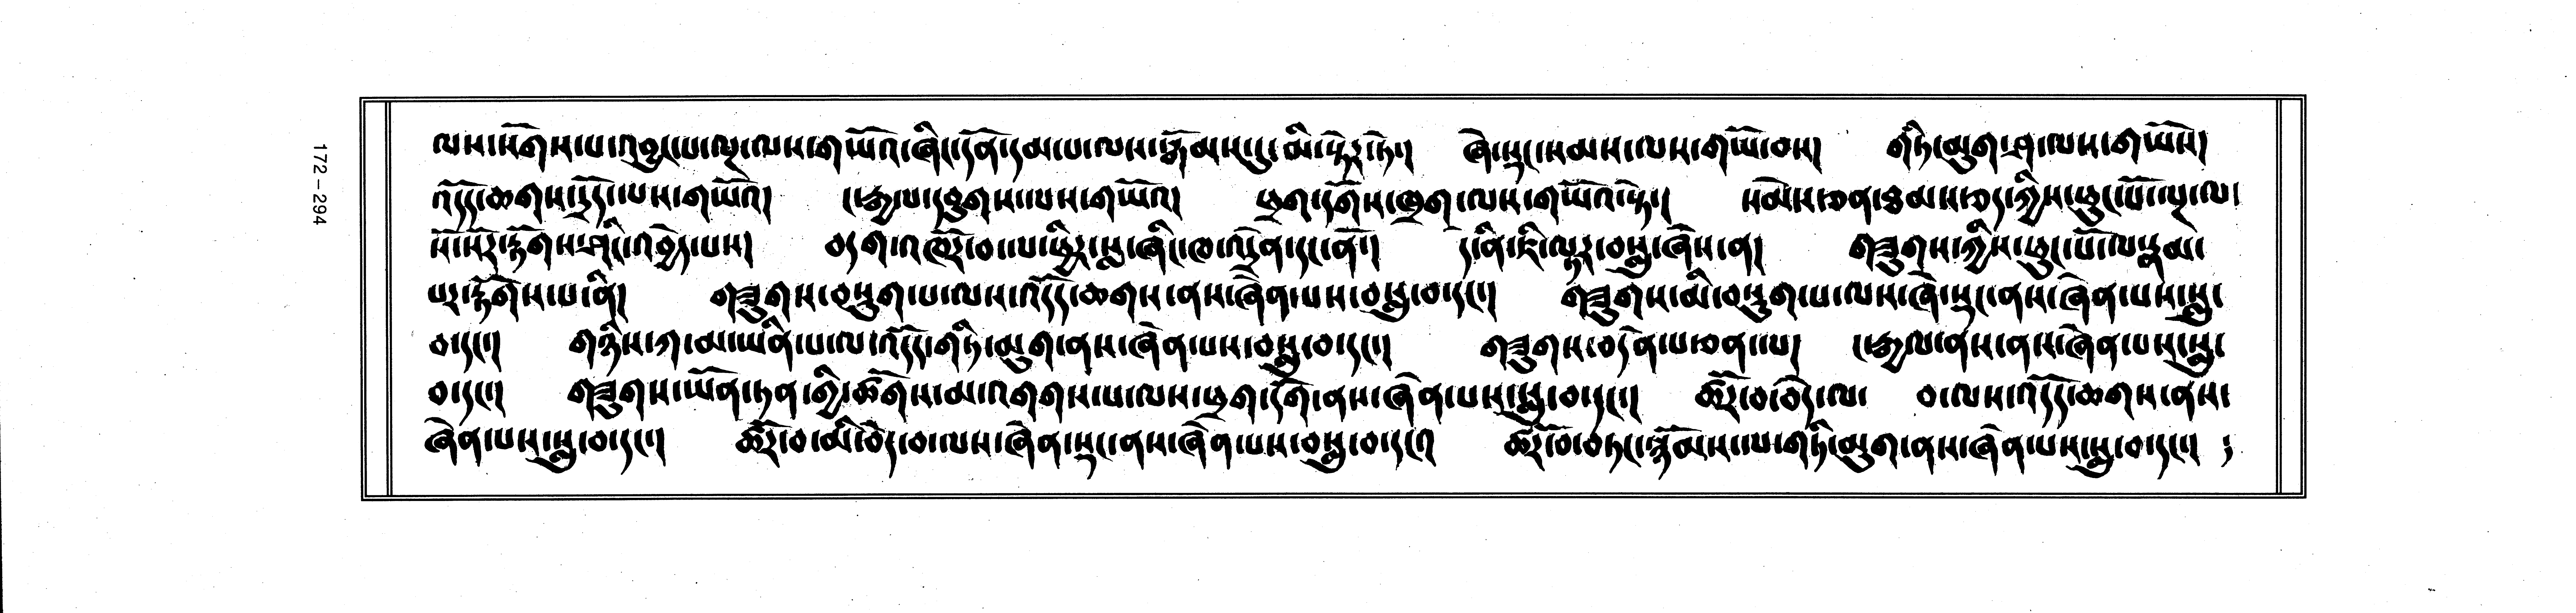སོགས་པ་འབྱུང་པ་ལྔ་ལས་གཡོའ་ཞིང་དོན་དམ་པ་ལས་སྒོམས་དུ་མི་སྟེར་ཏེ། ཞེ་སྡང་སམ་ལས་གཡོ་བས། གཏི་མུག་ཤ་ལས་གཡོས། 
འདོད་ཆགས་དྲོད་ལས་གཡོའ། ང་རྒྱལ་དབུགས་ལས་གཡོའ་ཕྲག་དོགས་ཁྲག་ལས་གཡོའ་སྟེ། སེམས་ཅན་ཐམས་ཅད་ཀྱིས་ཕུང་པོ་ལྔ་ལ་
སོ་སོར་རྟོགས་ཤིང་འབྱེད་པས། བདག་འཁོར་བ་ལ་ཕྱིར་སླ་ཞིང་ཁ་འདྲེན་དང་ནོ། དེ་ནི་ཇི་ལྟར་བསླུ་ཞེས་ན། གཟུགས་ཀྱིས་ཕུང་པོ་ལ་རྣམ་
པར་རྟོགས་པ་ནི། གཟུགས་ལྡུག་པ་ལས་འདོད་ཆགས་ནས་ཞེན་པས་བསླུ་བ་དང་། གཟུགས་མི་ལྡུག་པ་ལས་ཞེ་སྡང་ནས་ཞེན་པས་སླུབ་
བ་དང་། གཉིས་ཀ་མ་ཡིན་པ་ལ་འདོད་ཆགས་གཏི་མུག་ནས་ཞེན་པས་བསླུ་བ་དང་། གཟུགས་བདེན་པ་ཅན་ལ། ང་རྒྱལ་ནས་
ཞེན་པས་སླུ་བ་དང་། གཟུགས་ཡོན་ཏན་གྱི་ཚོགས་མ་འགགས་པ་ལས་ཕྲག་དོགས་ནས་ཞེན་པས་སླུ་བ་དང་། ཚོར་བ་བཏང་སྙོམས་ལ་གཏི་མུག་ནས་ཞེན་པས་སླུ་བ་དང་།